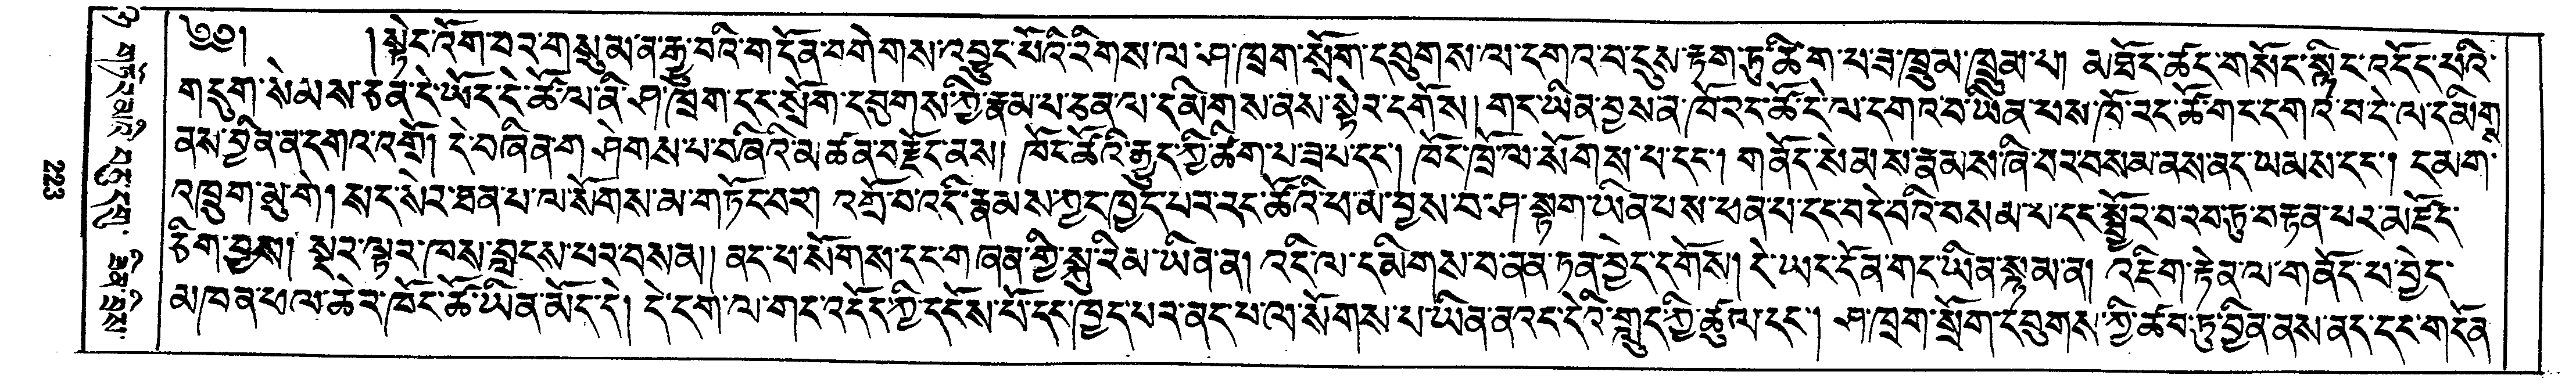༄༅། །སྟེང་འགོ་བར་གསུམ་ན་རྒྱུ་བའི་གདོན་བགེགས་འབྱུང་པོའི་རིགས་ལ་ཤ་ཁྲག་སྲོག་དབུགས་ལ་དགའ་བ་དུས་རྟག་ཏུ་ཚིག་པ་ཟ་ཁྲུམ་ཁྲུམ་པ། མཐོང་ཚད་གསོང་སྙིང་འདོད་པའི་
གདུག་སེམས་ཅན་དེ་ཡོད་དེ་ཚོ་ལ་ནི་ཤ་ཁྲག་དང་སྲོག་དབུགས་ཀྱི་རྣམ་པ་ཅན་ལ་དམིགས་ནས་སྟེར་དགོས། གང་ཡིན་བྱས་ན་ཁོ་རང་ཚོ་དེ་ལ་དགའ་བ་ཡིན་པས་ཁོ་རང་ཚོ་གང་དགའ་བདེ་ལ་དམིགས་
ནས་བྱིན་ན་དགའ་འགྲོ། དེ་བཞིན་གཤེགས་པ་བཞིའི་མཚན་བརྗོད་ནས། ཁོང་ཚོའི་རྒྱུད་ཀྱི་ཚིག་ཕ་ཟ་བ་དང་། ཁོང་ཁྲོ་ལ་སོགས་པ་དང་། གནོད་སེམས་རྣམས་ཞི་བར་བསམ་ནས་ནད་ཡམས་དང་། དམག་
འཁྲུག་མུ་གེ། སད་སེར་ཐན་པ་ལ་སོགས་མ་གཏོང་བར། འགྲོ་བ་འདི་རྣམས་ཀྱང་ཁྱད་པར་རང་ཚོའི་ཕ་མ་བྱས་པ་ཤ་སྟག་ཡིན་པས་ཕན་པ་དང་བདེ་བའི་བསམ་པ་དང་སྦྱོར་བ་རབ་ཏུ་བརྟན་པར་མཛོད་
ཅིག་བྱས། སྔར་ལྟར་ཁས་བླངས་པར་བསམ། ནད་པ་སོགས་དང་གཞན་གྱི་སྐུ་རིམ་ཡིན་ན། འདི་ལ་དམིགས་པ་ནན་ཏན་བྱེད་དགོས། དེ་ཡང་དོན་གང་ཡིན་སྙམ་ན། འཇིག་རྟེན་ལ་གནོད་པ་བྱེད་
མཁན་ཕལ་ཆེར་ཁོང་ཚོ་ཡིན་མོད་དེ། དེ་དག་ལ་གང་འདོད་ཀྱི་དངོས་པོ་དང་ཁྱད་པར་ནད་པ་ལ་སོགས་པ་ཡིན་ནའང་དེའི་གླུད་ཀྱི་ཚུལ་དང་། ཤ་ཁྲག་སྲོག་དབུགས་ཀྱི་ཚབ་ཏུ་བྱིན་ནས་ནད་དང་གདོན་